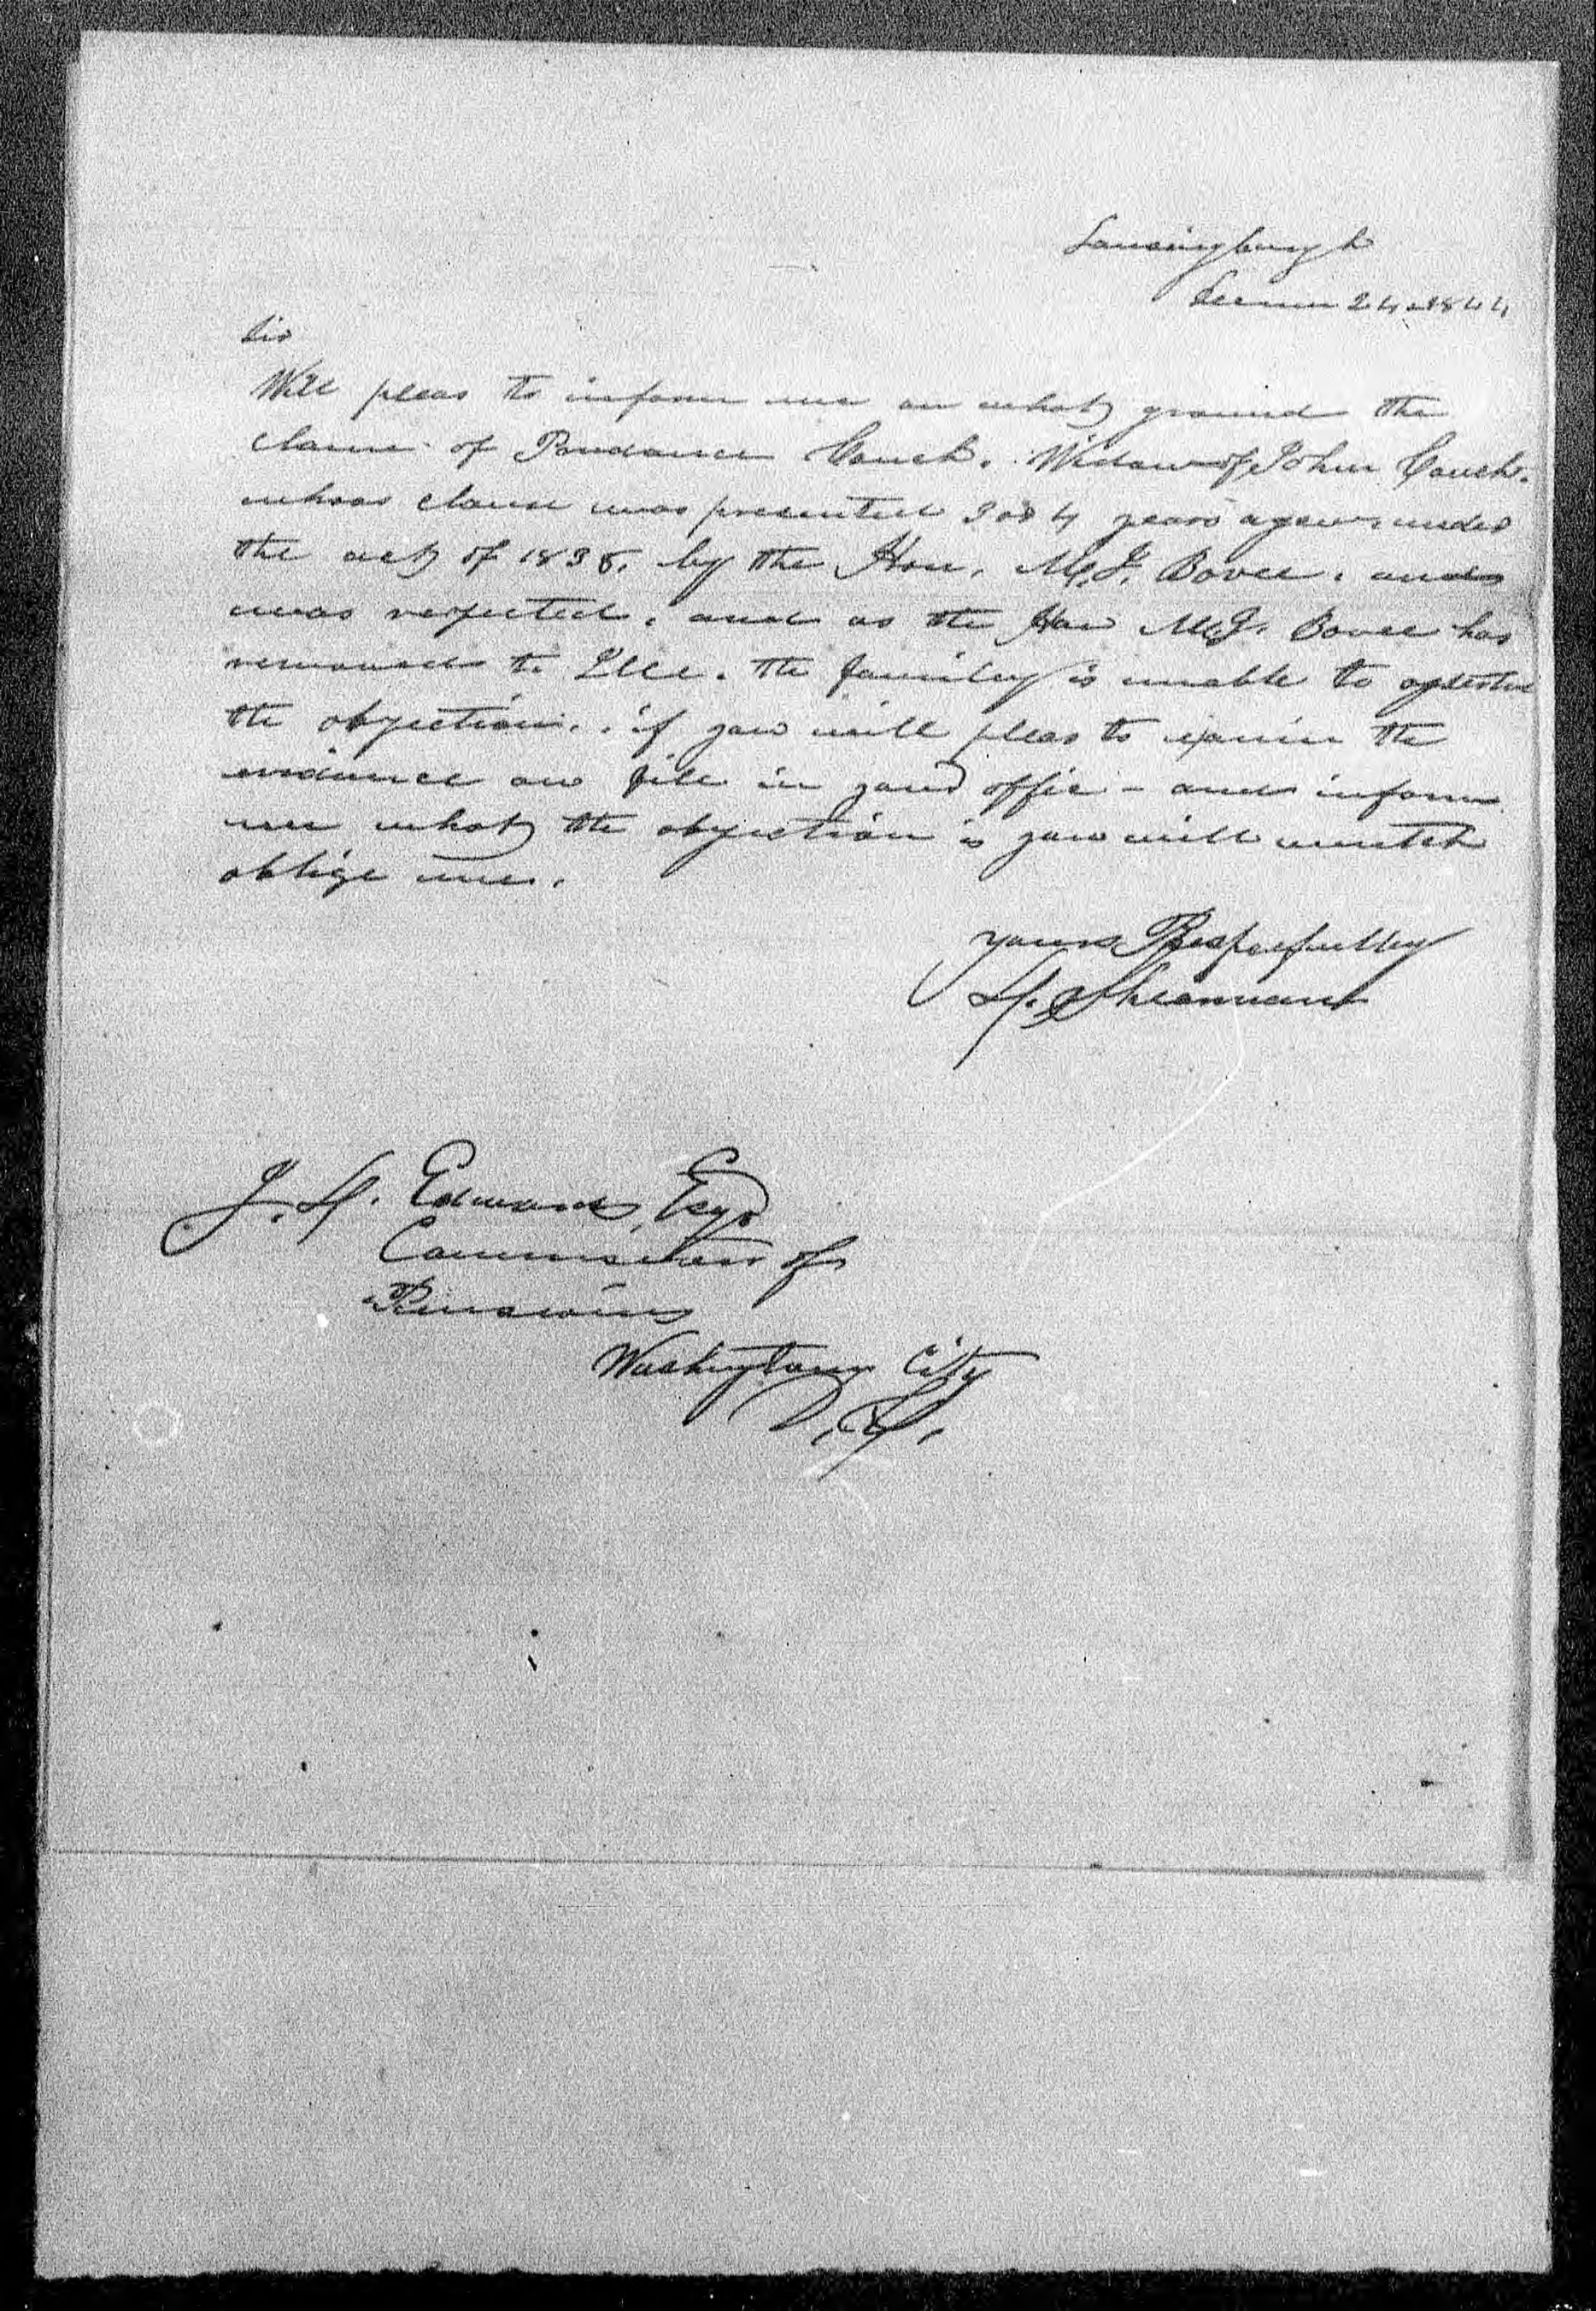Lansingburgh
December 24 1844

Sir
Will pleas to inform us [illegible] the claims of Pond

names: John Couch, M J Bovee, L Sheaman, M J Bovee, J L Edwards, Prudence Couch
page: 52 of 68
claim: rejected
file: R. 2,360, John Couch, Conn.